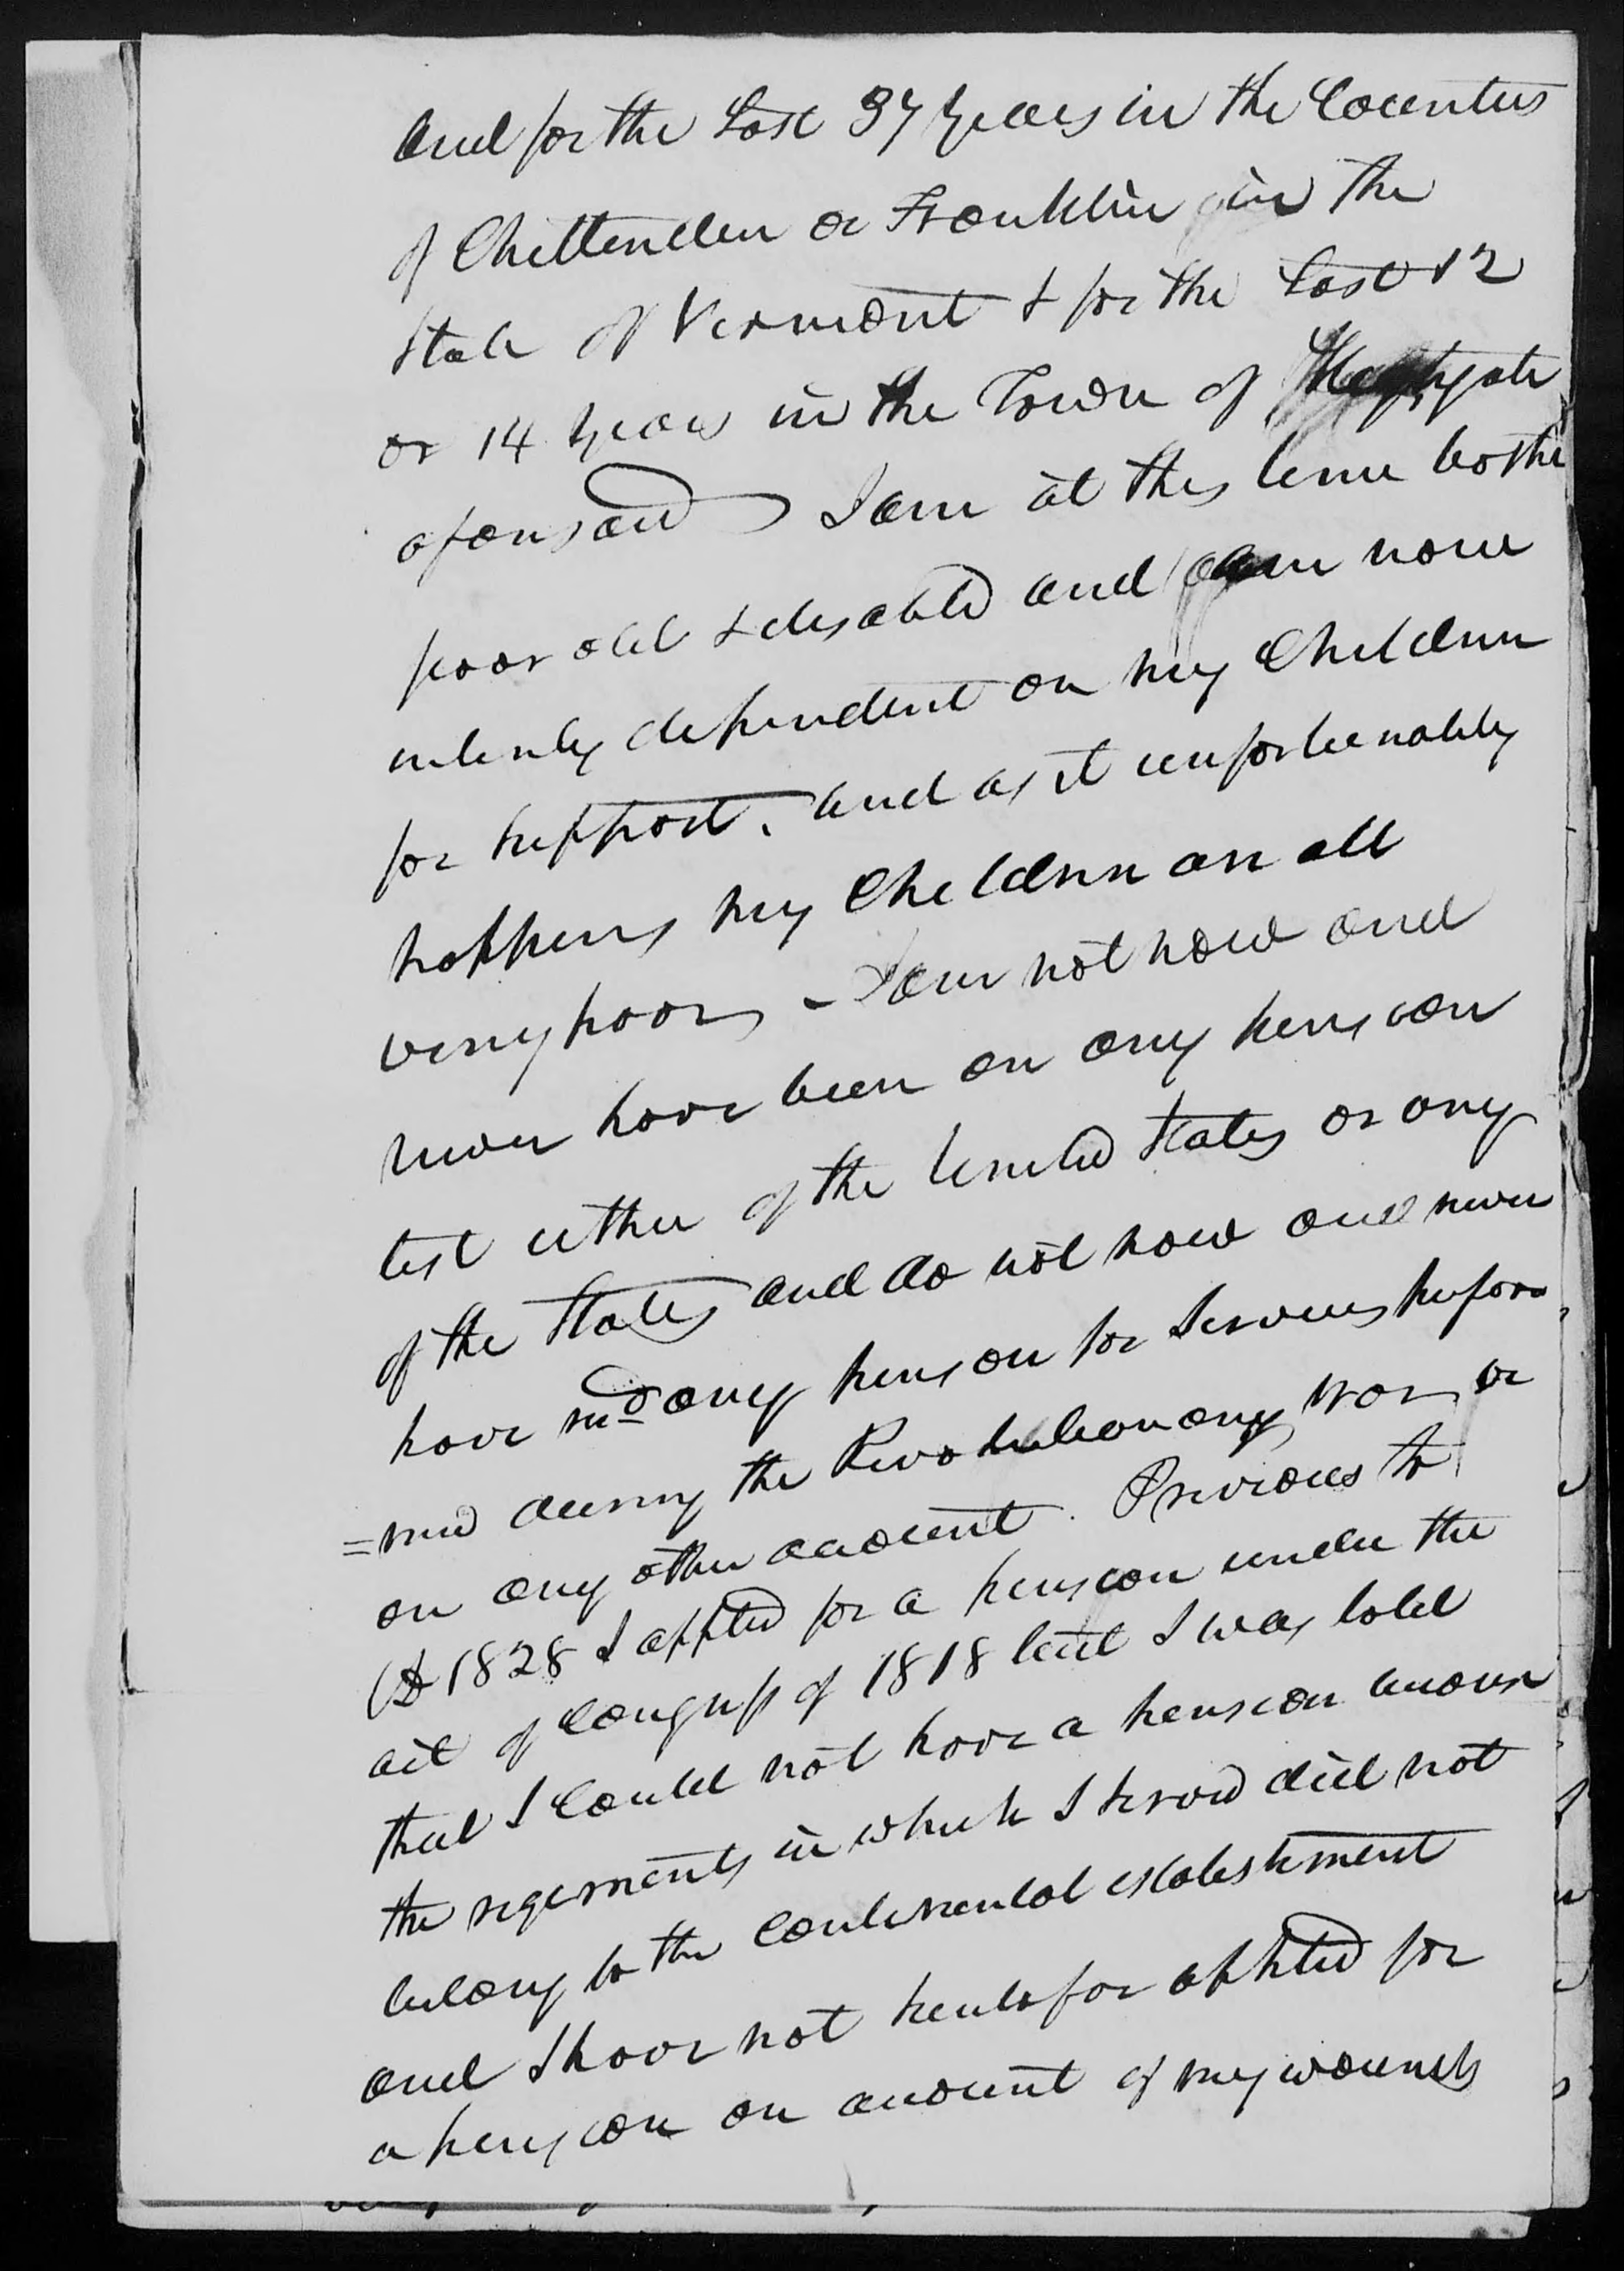and for the last 37 years in the counties of Chittenden or Franklin in the State of Vermont & for the last 12 or 14 years in the town of Highgate aforesaid. I am at this time both poor & [illegible] and am now entirely dependent on my children for support, and as it unfortunately happens my children are all very poor. I am not now and never have been on any pension list either of the United States or any of the states and do not now or never have [illegible] any help on for services or any person for services before said army the Revolutionary War or on any other account. Previous to AD 1828 I applied for a pension under the Act of Congress of 1818 but I was told that I could not have a pension account the regiments in which I served did not belong to the continental establishment and I have not heretofor applied for a pension on account of my wounds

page: 62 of 100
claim: survivor's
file: S 19186, James Austin, Conn. New York R.I.